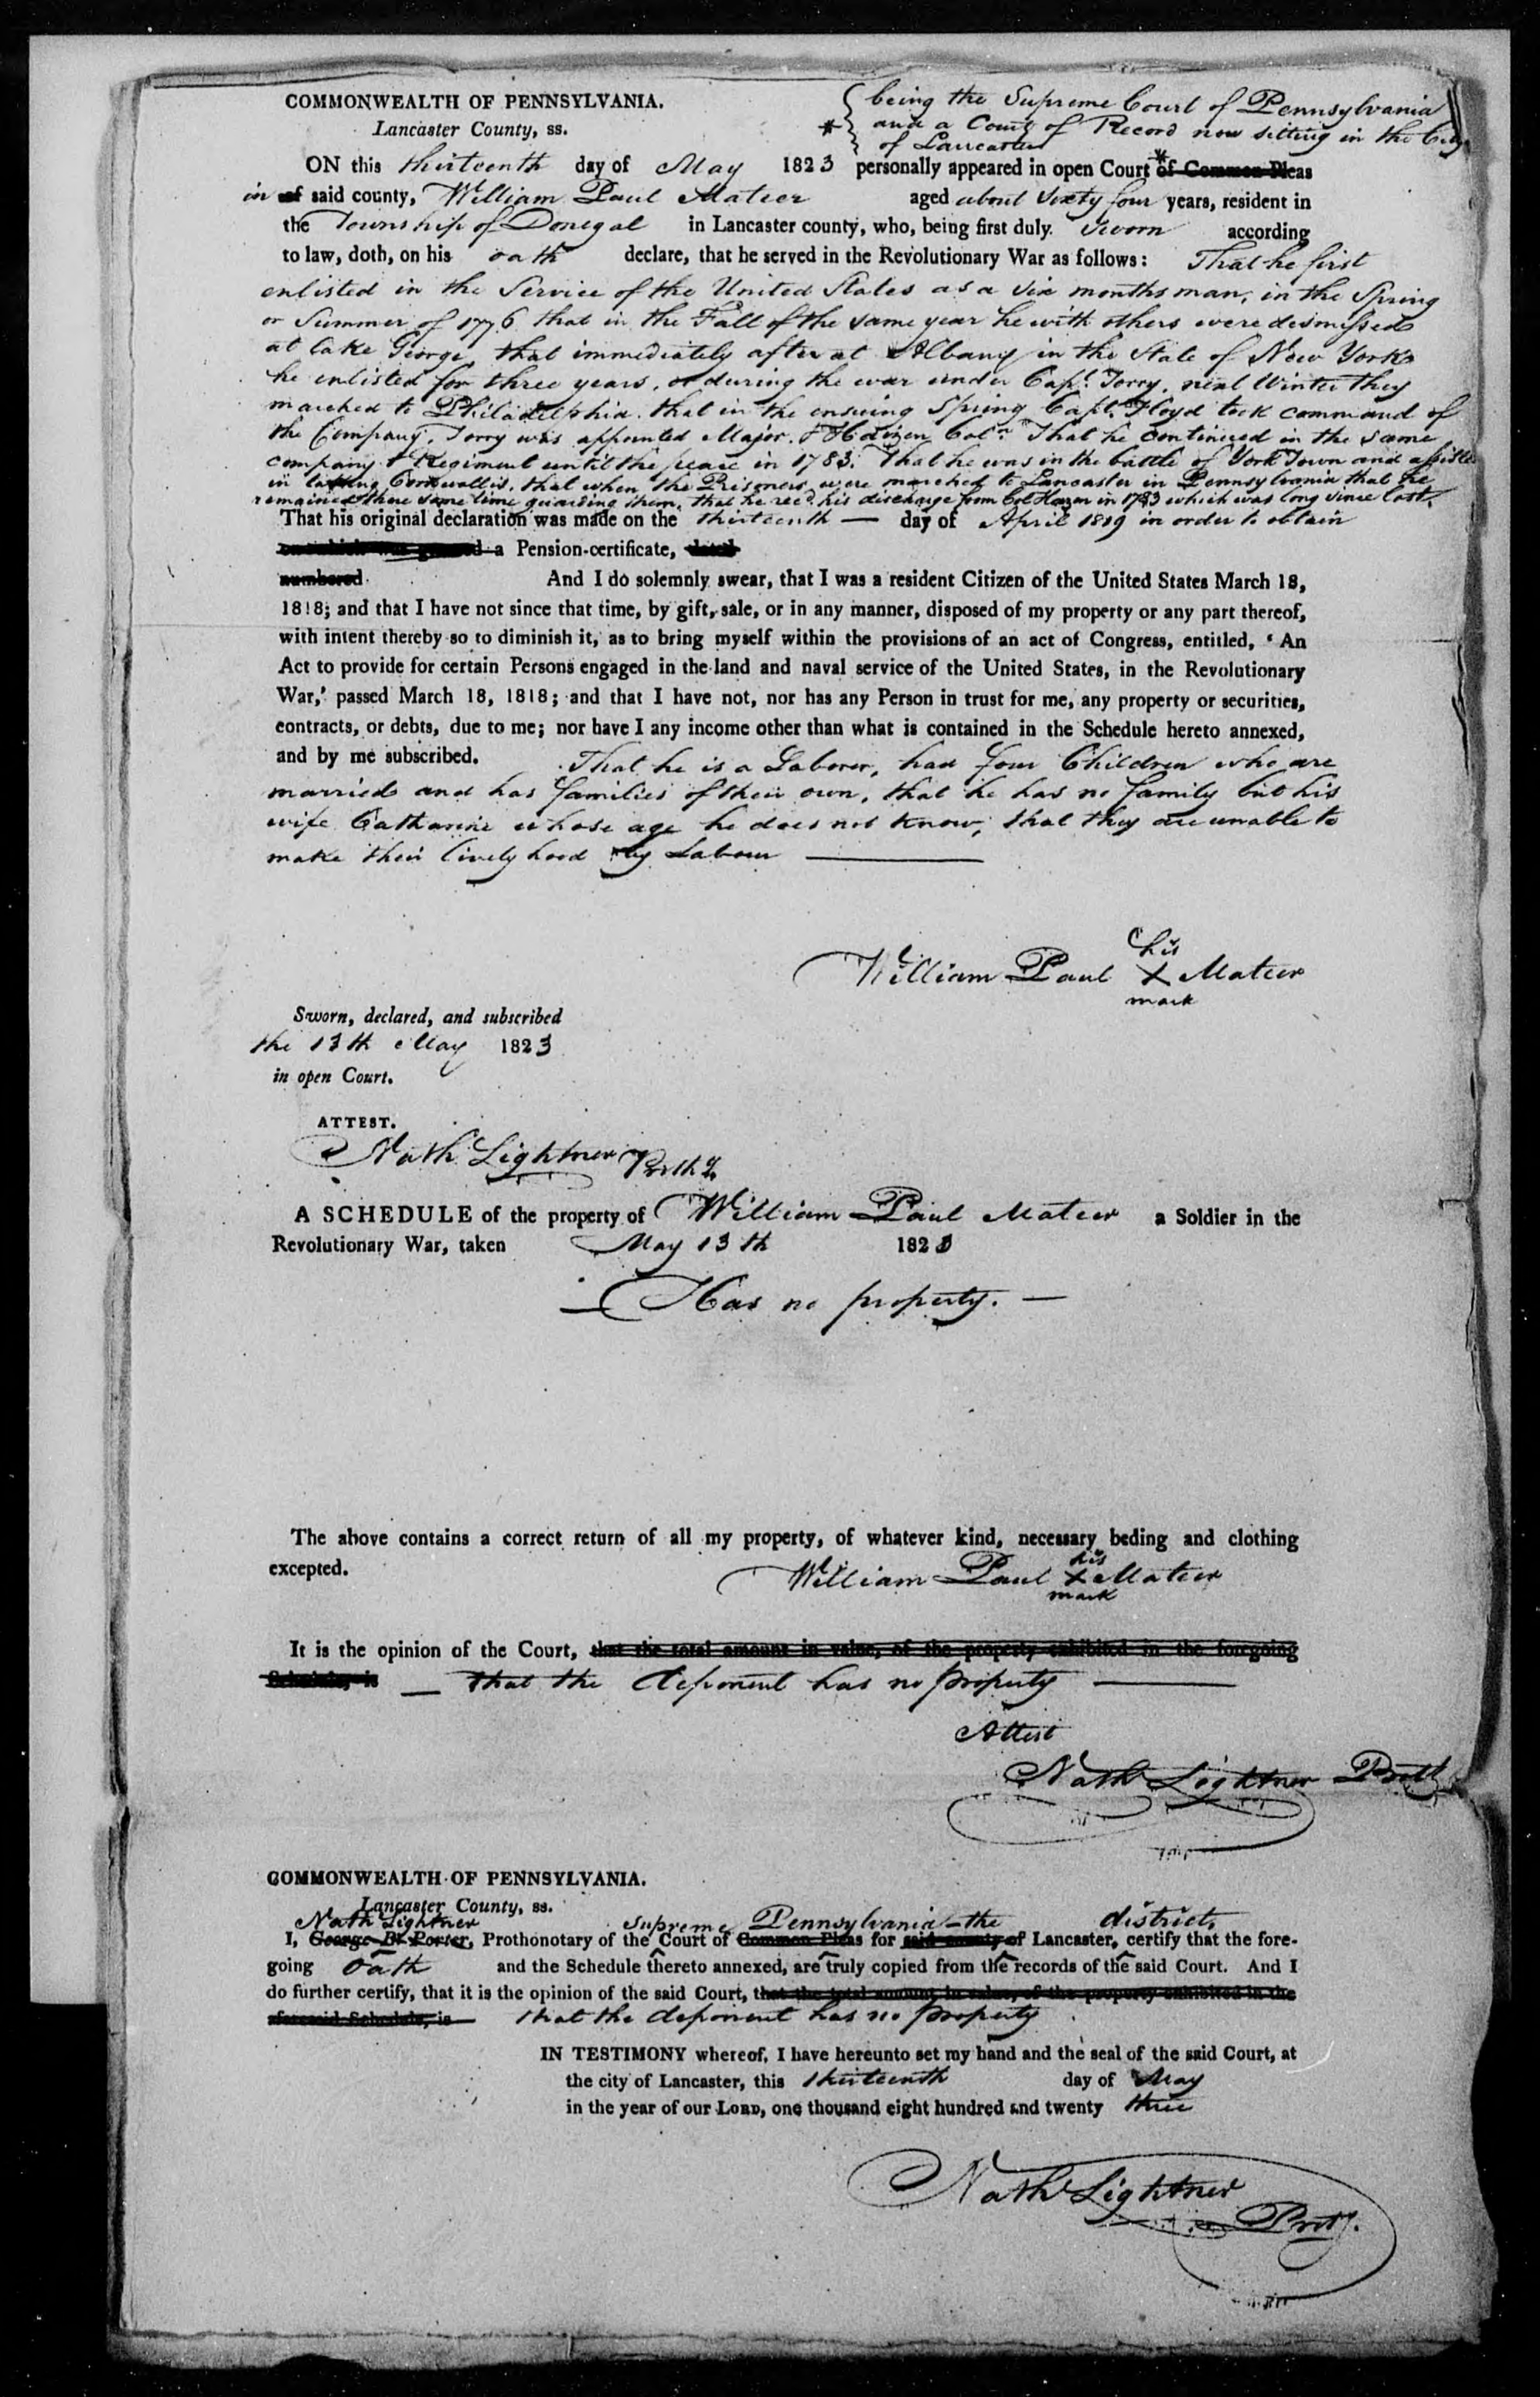Commonwealth of Pennsylvania
Lancaster County ss. 

  On this thirteenth day of May 1823 personally appeared in open Court (being the Supreme Court of Pennsylvania and a Court of Record now sitting in the City of Lancaster) in said county, William Paul Mateer aged about sixty four years, resident in the Township of Donegal in Lancaster County, who, being first duly sworn according to law, doth, on his oath declare, that he served in the Revolutionary War as follows:  That he first enlisted in the Service of the United States as a six months man, in the spring or summer of 1776, that in the fall if the same year herewith others were dismissed at Lake George that immediately after at Albany in the state of New York, he enlisted for three years, or during the war under Capt Terry  in the winter they marched to Philadelphia that in the ensuing spring Capt Floyd took command of the company, Terry was appointed Major & Haizen Col. That he continued in the same company & regiment until the (illegible) in 1783.  That he was in the battle of Yorktown and assisted in the capture of Cornwallis, That when the prisoners were marched to Lancaster in Pennsylvania that he  
he remained there some time guarding them.    received his discharge from Col Haizen in 1783 which was long since lost.  

    This his original declaration was made on the thirteenth day of April 1819 in order to obtain a Pension certificate.

    And I do solemnly swear, that I was a resident Citizen of the United States March 18, 1818, and that I have not since that time, by gift, sale or in any manner disposed of my property or any part thereof, with intent thereby so to diminish it, as to bring myself within the provisions of n Act of Congress, entitled, "An Act to provide for certain Persons engaged in the land and Naval service of the United States, in the Revolutionary War, passed March 18, 1818; and that I have not, nor has any Person in trust for me, any property or securities, contracts, or debts, due to me; not have I any income other than what is contained in the Schedule hereto annexed, and by me subscribed.  
    That he is a laborer, has four children who are married and has families of their own, that he has no family besides wife Catherine. Whose age he does not know, that they are unable to make their livelihood by labor.

                                               his
                          William Paul   X   Mateer
                                            mark

Sworn, declared and subscribed
the 13th May 1823 in Open Court

Attest, 
//s//
Nath.  Lightner Prothont.

A schedule of the property of William Paul Mateer a soldier in the Revolutionary War, taken May 13th 1823 

He has no property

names: [BLANK] Floyd; Catharine [BLANK]; [BLANK] Cornwallis; William Paul Mateer; [BLANK] Haizen; [BLANK] Torry; Nath Lightner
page: 6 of 14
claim: survivor's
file: S. 40242, for William Palmiteer, Pennsylvania